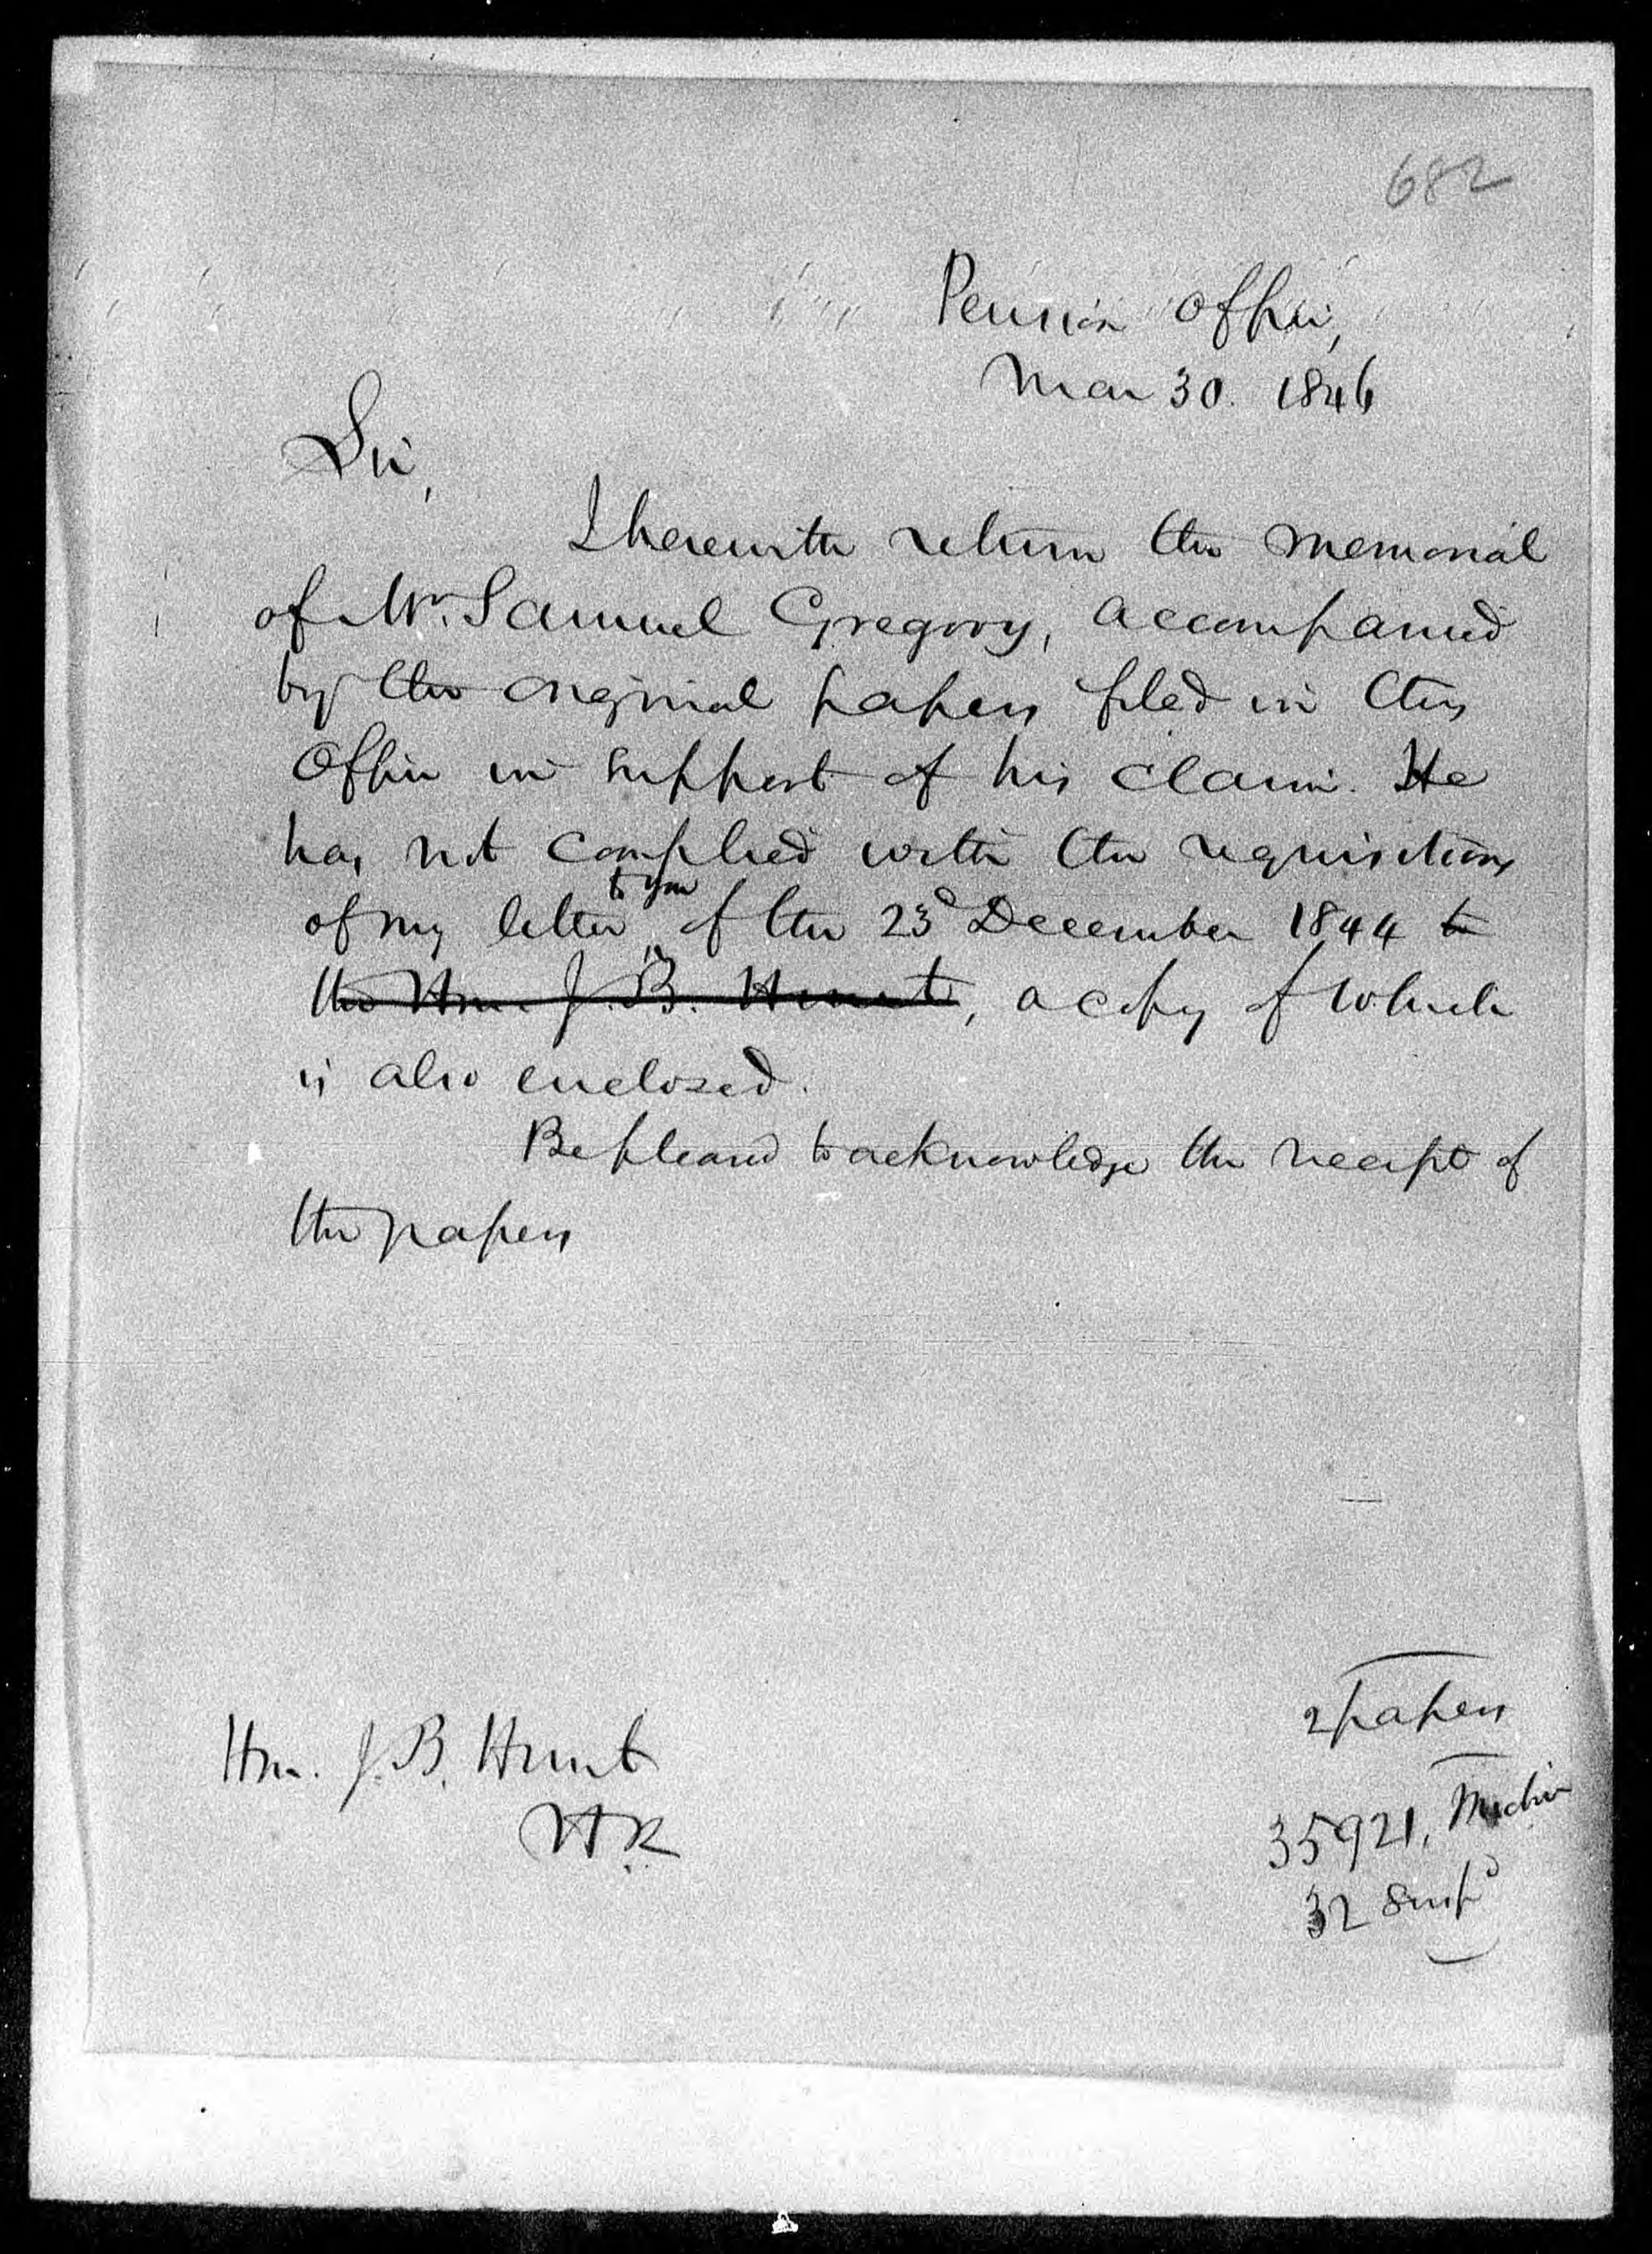Pension Office
Mar 30. 1846

Sir

I hereunto return the memorial of Mr. Samuel Gregory, accompanied by the original papers filed in Cty office in support of his claim  He has not complied with the requisition of my letter of the 25th December 1844 to a copy of which is also enclosed.
Be pleased to acknowledge the receipt of the papers.

Hon. J.B.Hunt HR


2 papers
35921, Michn
32 supd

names: J B Hunt, Samuel Gregory, J B Hunt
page: 40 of 66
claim: rejected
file: R. 4298, Samuel Gregory, New York